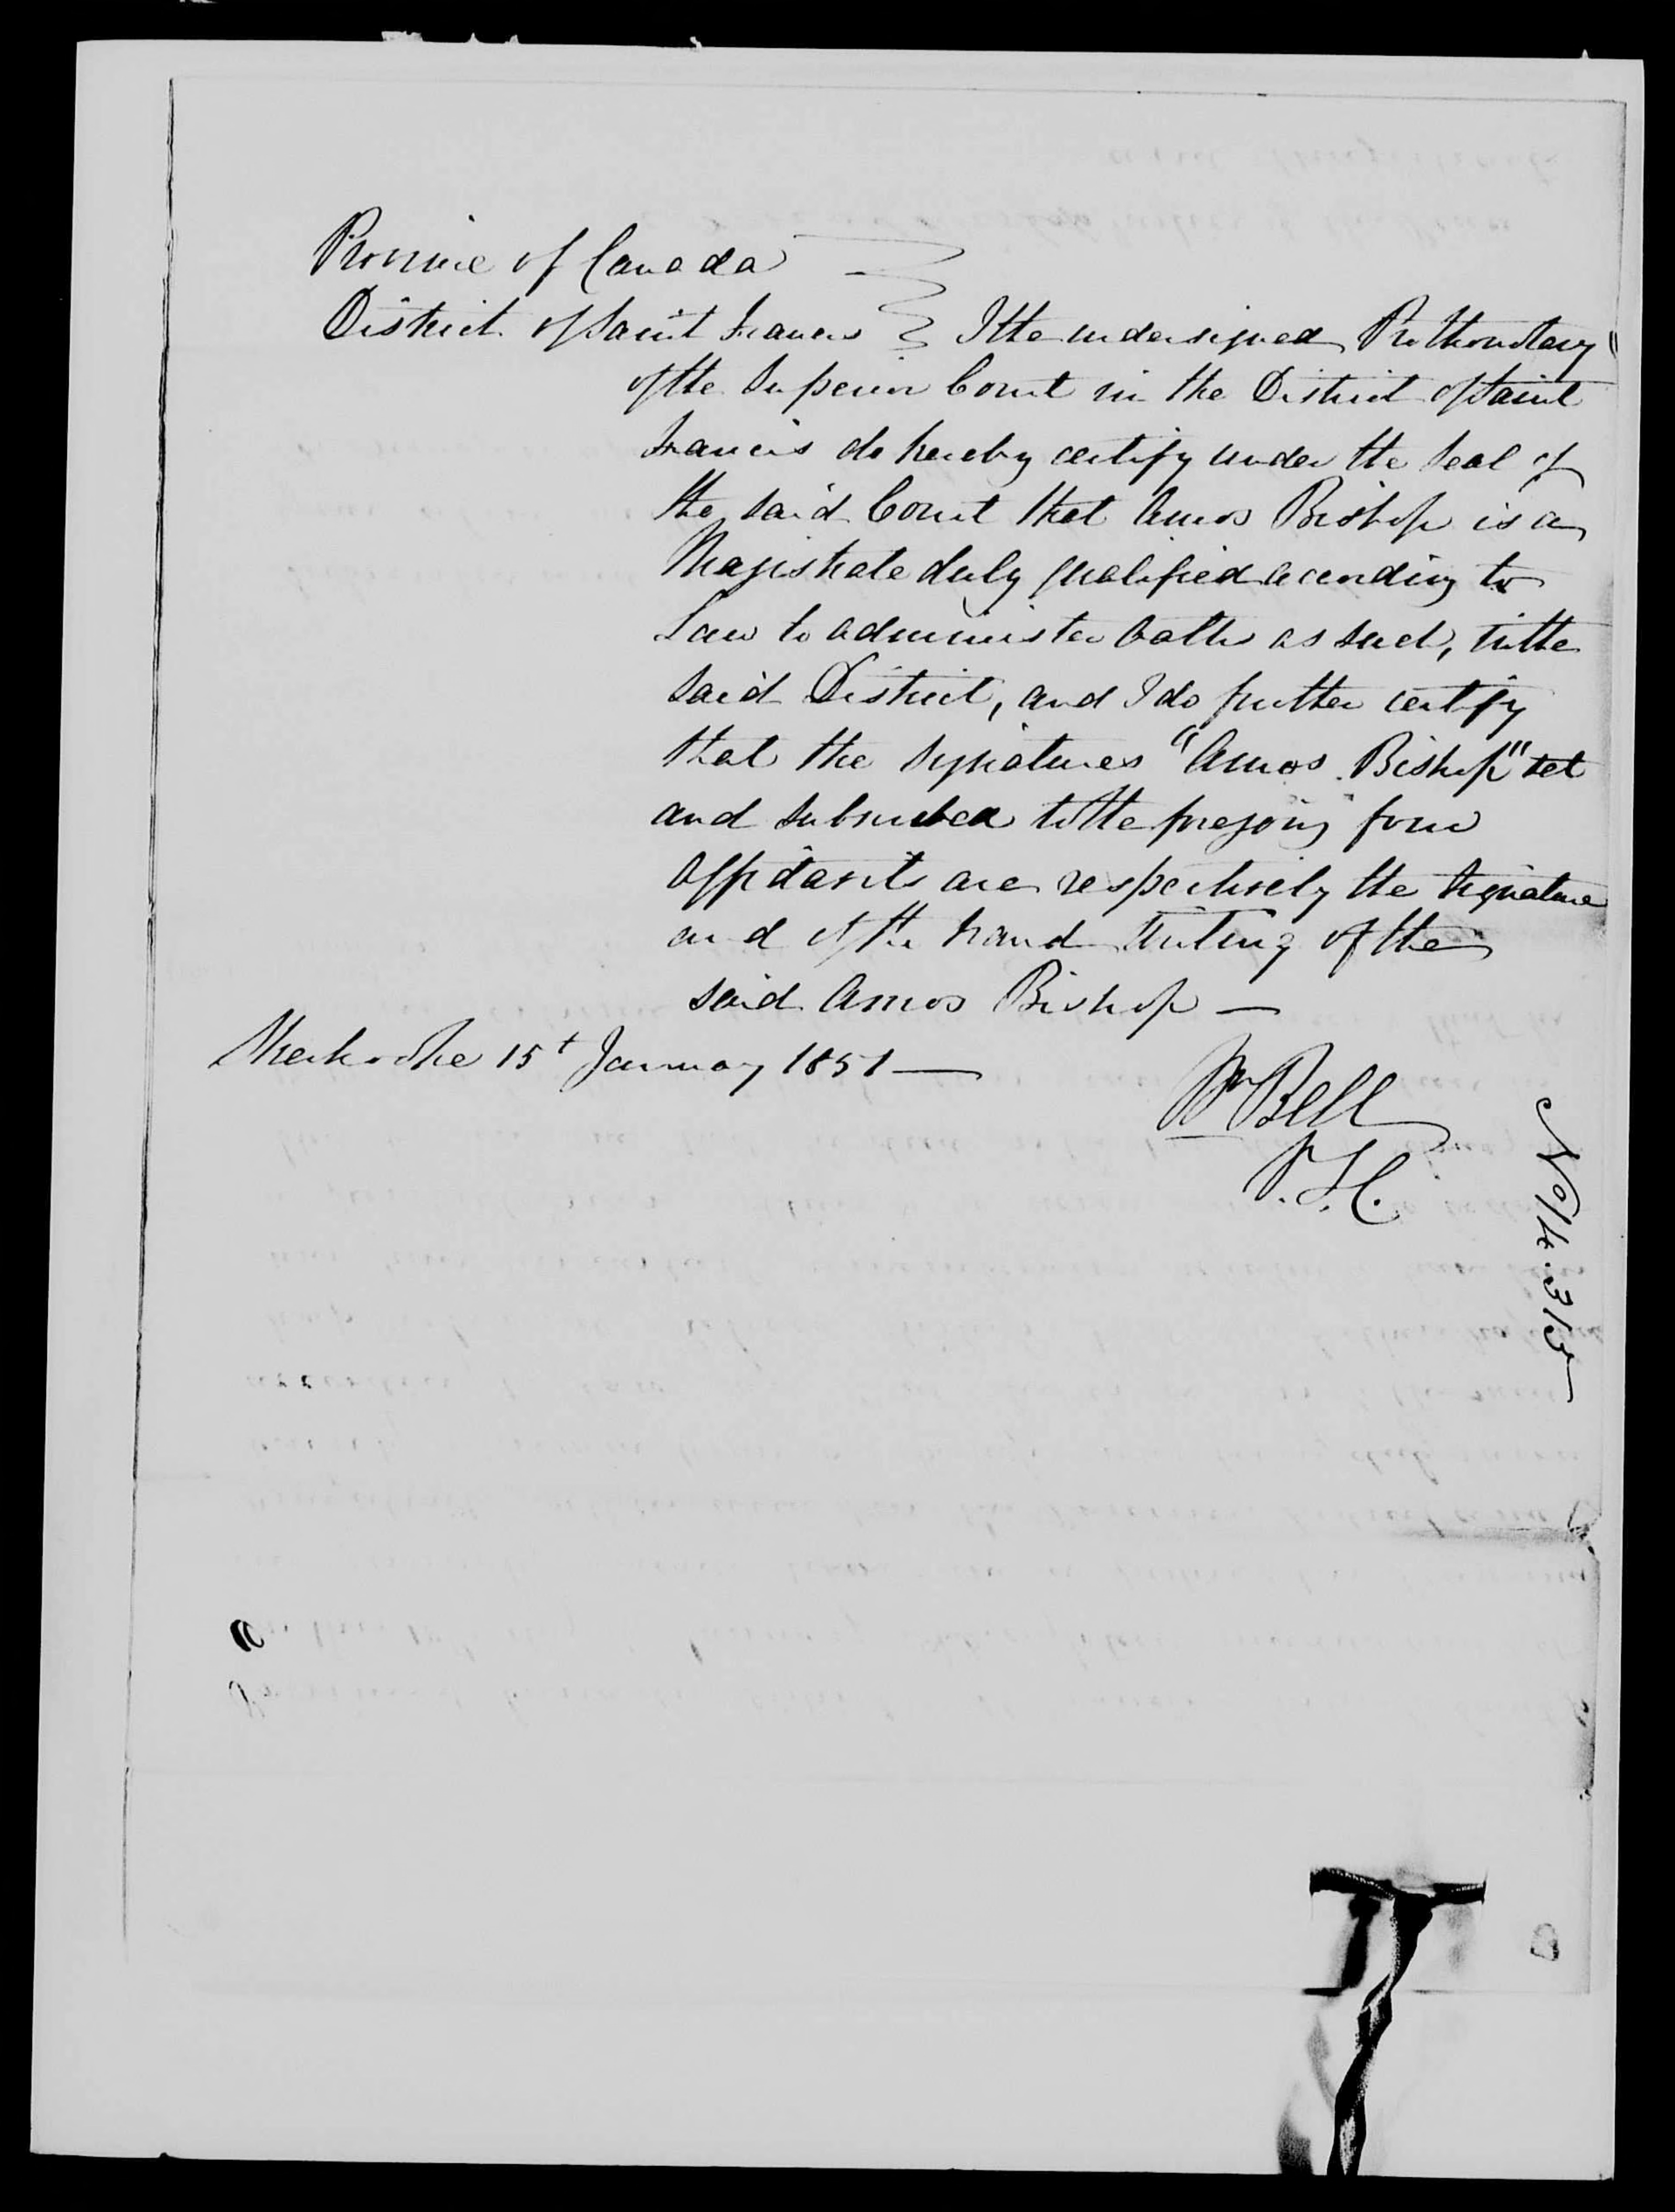Province of Canada 
District of Saint Francis I the undersigned Prothonotary of the Superior Court in the District of SAint Francis do hereby certify under the Seal of the said Court that Amos Bishop is a Magistrate duly qualified according to Law to administer oaths as such, in the said District, and I further certify that the signatures "Amos Bishop" set and subscribed to the pregoing four affidavits are respectively the Signature and is the hand writing of the said Amos Bishop - 

/s/Wm Bell V.L.C.
Sherbrooke 15th January 1851 - 

No 14.315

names: Amos Bishop, Amos Bishop, Wm Bell, Francis, Amos Bishop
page: 27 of 27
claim: rejected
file: R. 865, Napthala Bishop, Vt.